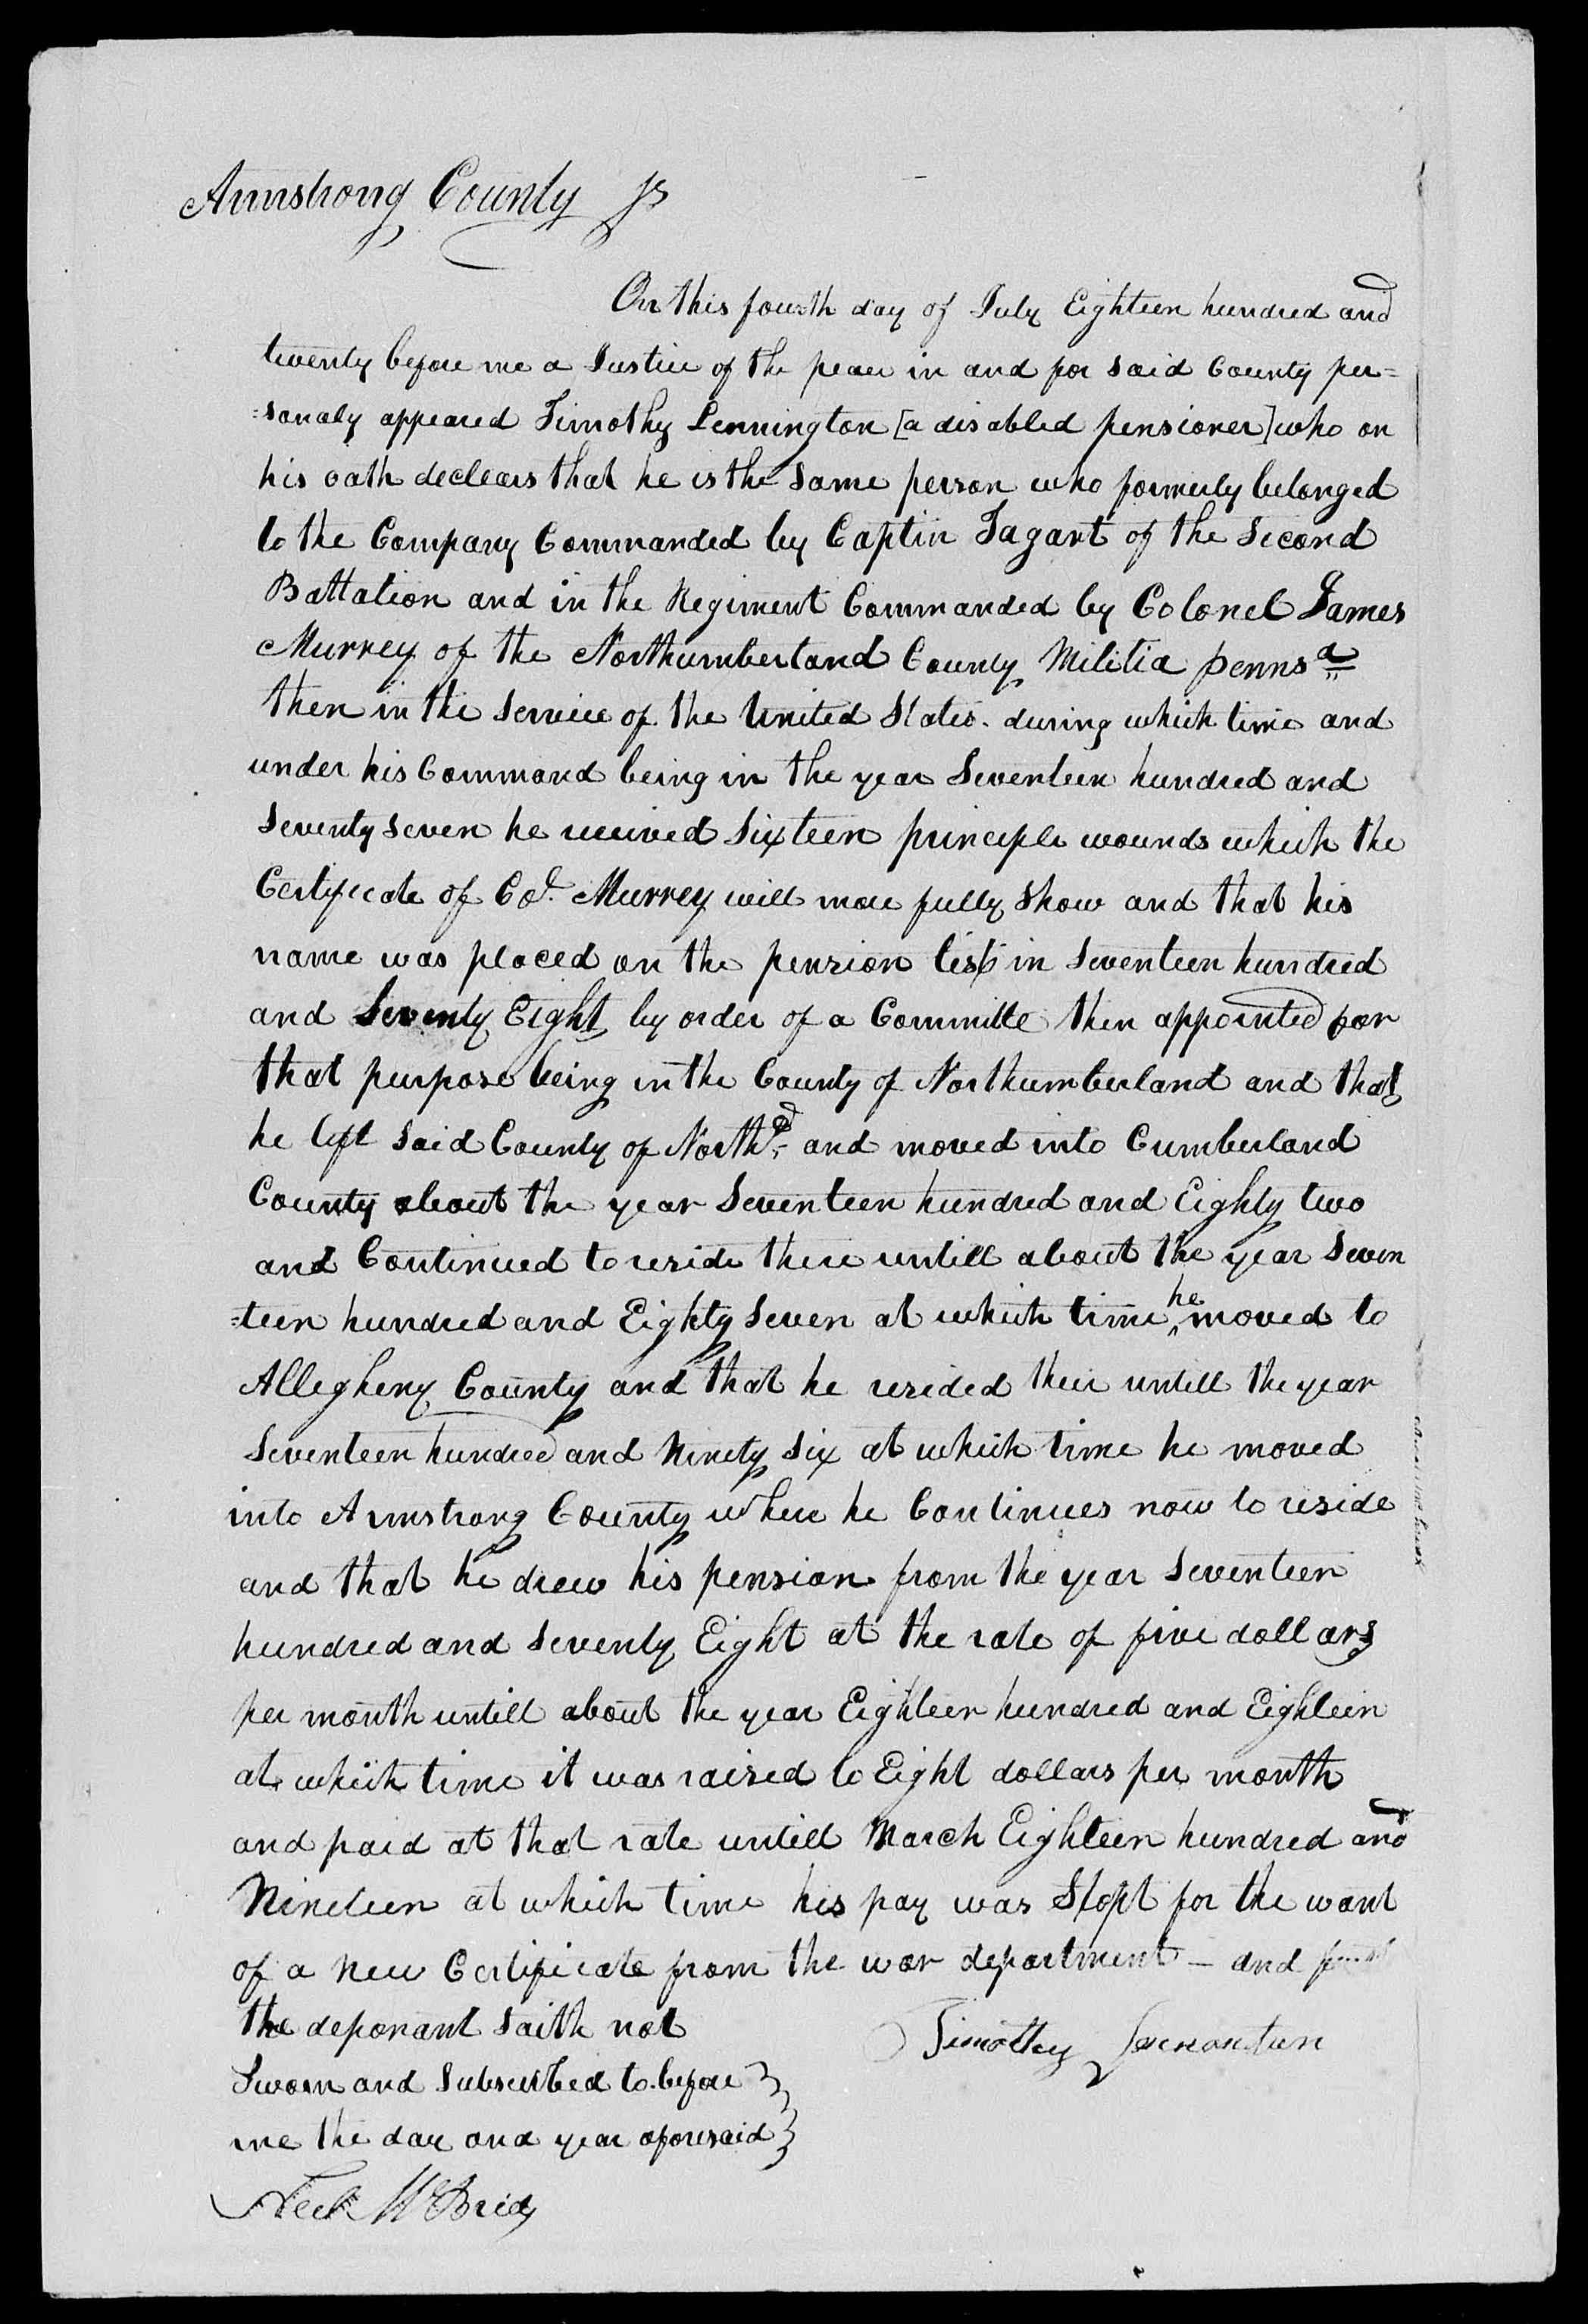Armstrong County. JS

On this fourth day of July Eighteen hundred and twenty before me a Justice of peace in and for said County personally appeared Timothy Lennington [a disabled pensioner] who on his oath declares that he is the same person who formerly belonged to the Company Commanded by Captin Tagant of the Second Battalion and in the Regiment Commanded by Colonel James Murrey of the Northumberland County Militia pennsa the in the Service of the United States during which time and under his Command being in the year Seventeen hundred and Seventy Seven he received Sixteen principle wounds which the  Certificate of Col. Murrey will more fully show and that his name was placed on the pension list in Seventeen hundred and Seventy Eight by order of a Committee then appointed for the purpose being in the County of Northumberland and that he left said County of North and moved into Cumberland County about the year Seventeen hundred and Eighty two and Continued to reside there until about the year Seven teen hundred and Eighty Seven at which time he moved to Allegheny County and that he resided there until the year Seventeen hundred and Ninety Six at which time he moved into Armstrong County where he continues now to reside and that he drew his pension from the year Seventeen hundred and and Seventy Eight at the rate of five dollars per month until about the year Eighteen hundred and Eighteen at which time it was raised to Eight dollars per month and paid at that rate until March Eighteen hundred and Nineteen at which time his pay was Stopt for the want of a new Certificate from the war department [Illegible]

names: Timothy Lennington; James Murrey; [BLANK] Tagart; Neil Mc Bride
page: 2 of 14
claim: survivor's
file: S. 9749, for Timothy Lennonton, Pennsylvania